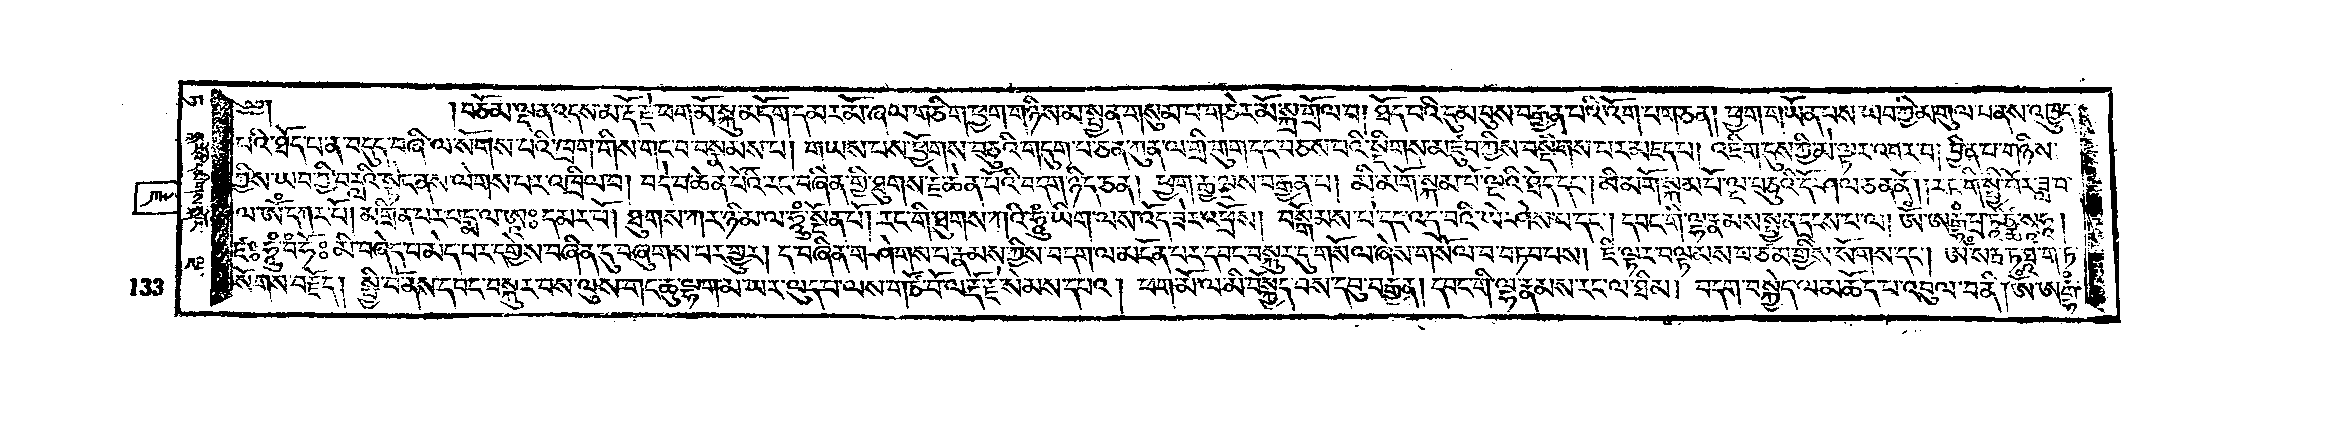༄༅། །བཅོམ་ལྡན་འདས་མ་རྡོ་རྗེ་ཕག་མོ་སྐུ་མདོག་དམར་མོ་ཞལ་གཅིག་ཕྱག་གཉིས་མ་སྤྱན་གསུམ་པ་གཅེར་མོ་སྐྲ་གྲོལ་བ། ཐོད་པའི་དུམ་བུས་བརྒྱན་པའི་འོག་པག་ཅན། ཕྱག་གཡོན་པས་ཡབ་ཀྱི་མགུལ་པ་ནས་འཁྱུད་
པའི་ཐོད་པ་ན་བདུད་བཞི་ལ་སོགས་པའི་ཁྲག་གིས་གང་བ་བསྣམས་པ། གཡས་པས་ཕྱོགས་བཅུའི་གདུག་པ་ཅན་ཀུན་ལ་གྲི་གུག་དང་བཅས་པའི་སྡིགས་མཛུབ་ཀྱིས་བསྡིགས་པར་མཛད་པ། འཇིག་དུས་ཀྱི་མེ་ལྟར་འབར་བ། བྱིན་པ་གཉིས་
ཀྱིས་ཡབ་ཀྱི་བརླའི་སྟེང་ནས་ལེགས་པར་འཁྲིལ་པ། བདེ་བ་ཆེན་པོའི་རང་བཞིན་གྱི་ཐུགས་རྗེ་ཆེན་པོའི་བདག་ཉིད་ཅན། ཕྱག་རྒྱ་ལྔས་བརྒྱན་པ། མི་མགོ་སྐམ་པོ་ལྔའི་ཐོད་དང་། མི་མགོ་སྐམ་པོ་ལྔ་བཅུའི་དོ་ཤལ་ཅན་ནོ། །རང་གི་སྤྱི་བོར་ཟླ་བ་
ལ་ཨོཾ་དཀར་པོ། མགྲིན་པར་པདམ་ལ་ཨཱཿ དམར་པོ། ཐུགས་ཀར་ཉི་མ་ལ་ཧཱུཾ་སྔོན་པོ། རང་གི་ཐུགས་ཀའི་ཧཱུཾ་ཡིག་ལས་འོད་ཟེར་འཕྲོས། བསྒོམས་པ་དང་འདྲ་བའི་ཡེ་ཤེས་པ་དང་། དབང་གི་ལྷ་རྣམས་སྤྱན་དྲངས་པ་ལ། ཨོཾ་ཨརྒྷཾ་པྲ་ཏཱི་ཙྪ་སྭཱཧཱ།
ཛཿ ཧཱུཾ་བཾ་ཧོཿ མི་བཞེད་པ་མེད་པར་དགྱེས་བཞིན་དུ་བཞུགས་པར་གྱུར། དེ་བཞིན་གཤེགས་པ་རྣམས་ཀྱིས་བདག་ལ་མངོན་པར་དབང་བསྐུར་དུ་གསོལ་ཞེས་གསོལ་བ་བཏབ་པས། ཇི་ལྟར་བལྟམས་པ་ཙམ་གྱིས་སོགས་དང་། ཨོཾ་སརྦ་ཏ་ཐཱ་ག་ཏ་
སོགས་བརྗོད། སྤྱི་བོ་ནས་དབང་བསྐུར་བས་ལུས་གང་ཆུ་ལྷག་མ་ཡར་ལུད་པ་ལས་གཙོ་བོ་ལ་རྡོ་རྗེ་སེམས་དཔའ། ཕག་མོ་ལ་མི་བསྐྱོད་བས་དབུ་བརྒྱན། དབང་གི་ལྷ་རྣམས་རང་ལ་ཐིམ། བདག་བསྐྱེད་ལ་མཆོད་པ་འབུལ་བ་ནི། ཨོཾ་ཨརྒྷཾ་